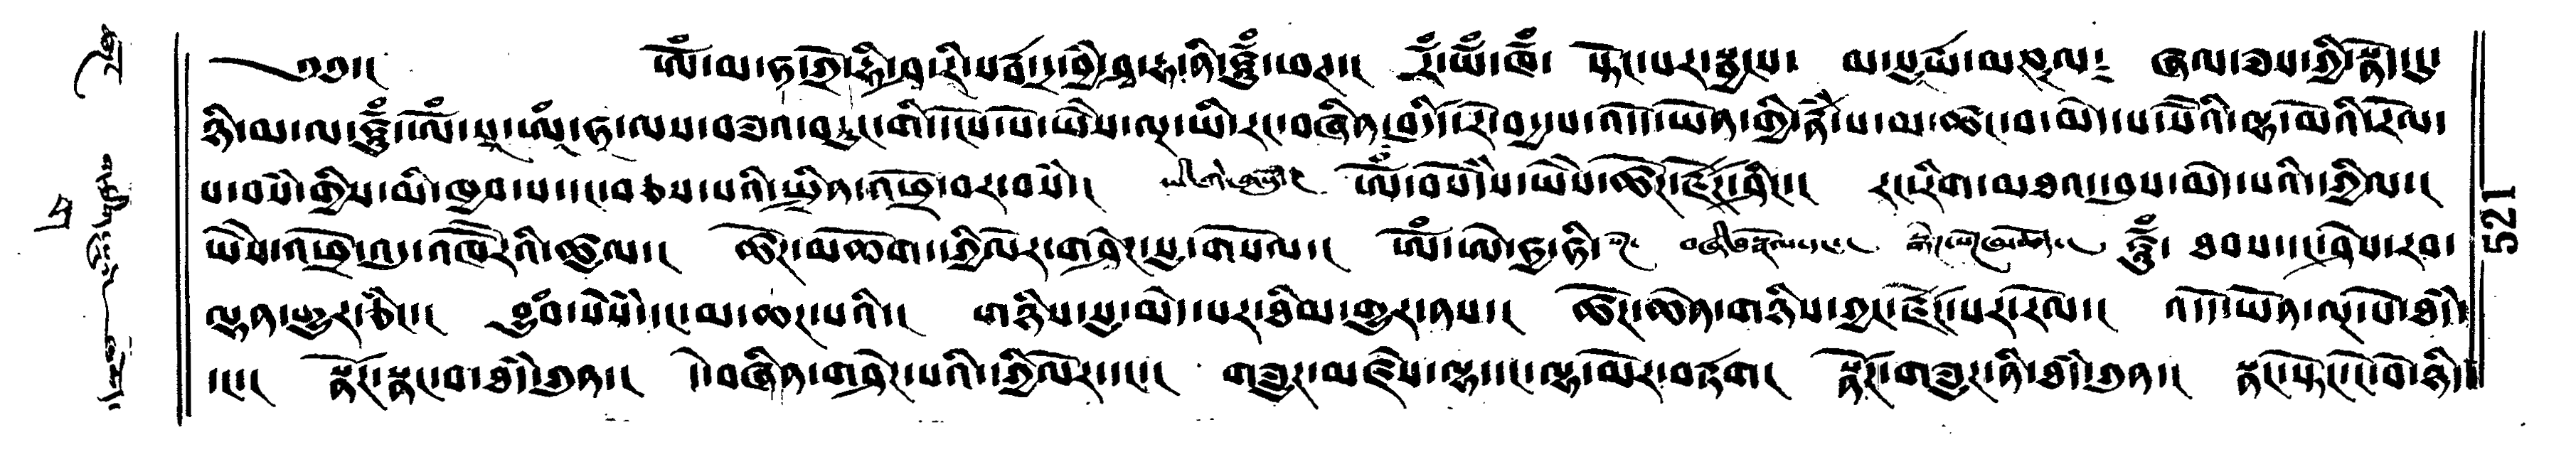༄༅་། ཨོཾ་མ་ཧ་ཀྲོ་དྷི་ཤ་རི་སརྦ་དྲ་བྱི་ཤྭ་དྷ་ནི་ཧཱུྃ་ཕཊཿ རྃ་ཡྃ་ཁྃ། སྟོང་པར་སྦྱངས། མ་སུརྻ་མཎྜལ། ཞལ་ཟས་ཀྱི་སྣོད་དུ་
ཉི་མ་ལ་ཧཱུྃ་ཨོཾ་སྭ་ཨཱཾ་ཧཱ་ལས་བཟའ་བཏུང་གི་དངོས་པོ་ཡེ་ཤེས་ལྔ་ཡི་རང་བཞིན་བདུད་རྩི་རེ་བརྒྱ་པ་འདོད་ཡོན་གྱི་རྣམ་པ་མ་ཚང་བ་མེད་པ་སོ་སོའི་ལྷ་མོའི་རོལ་
པ་བསམ་གྱིས་མི་ཁྱབ་པ་དང་བཅས་པའི་སྤྲིན་འཕྲོ་བར་བསམ་ཡི་གེ་སུམ་ཨོཾ་བསོད་ཉམས་ཡེ་ཤེས་ཚོགས་རྫོགས་ཤིང་། །རང་རིག་མཐའ་དབུས་མེད་པའི་དཀྱིལ། །
ཡེ་ཤེས་འཕྲོ་འདུ་འཁོར་ལོའི་ཚུལ། །ཚོགས་མཆོག་དཀྱིལ་འཁོར་གཤེགས་སུ་གསོལ། །ཨོཾ་ཨེ་ཧྱ་ཧི་སོགས་བཞི་བསྣོལ་དང་སྒེག་སོགས་མཆོད། ཧཱུྃ། ཐབས་དང་ཤེས་རབ་
ལྡན་གྱུར་ཅིང་། །བྱང་ཆུབ་སེམས་དང་མ་ཆགས་པའི། །གཉིས་སུ་མེད་པར་ཐིམ་གྱུར་ནས། །ཚོགས་ཆེན་གཉིས་ཀྱང་རྫོགས་པར་རོལ། །འདོད་ཡོན་ལྔ་པོ་ཐམས་ཅད་
དང་། །སྣ་ཚོགས་སྣང་བ་ཐམས་ཅད་ཀུན། །དེ་བཞིན་གཤེགས་པའི་དཀྱིལ་འཁོར་དང་། །གཟུགས་མཛེས་ལྷ་དང་ལྷ་མོར་བརྟག །སྣ་ཚོགས་གཟུགས་ནི་ཐམས་ཅད་ཀུན། །སྣང་སྟོང་ངོ་བོ་ཉིད་